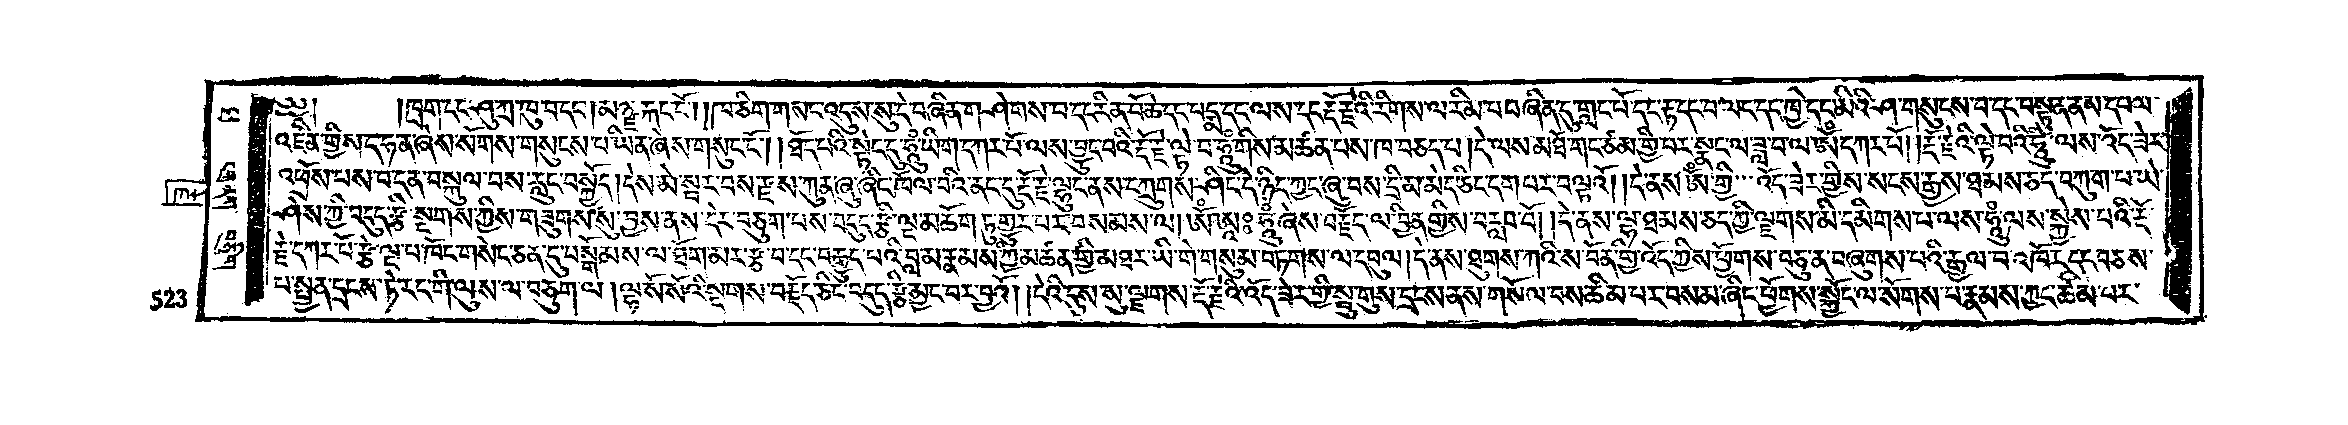༄༅། །ཁྲག་དང་ཤུ་ཀྲ་ཁུ་བ་དང་། མཉྫ་རྐང་ངོ། །ཁ་ཅིག་གསང་འདུས་སུ་དེ་བཞིན་གཤེགས་པ་དང་རིན་པོ་ཆེ་དང་པདམ་དང་ལས་དང་རྡོ་རྗེའི་རིགས་ལ་རིམ་པ་བཞིན་དུ་གླང་པོ་དང་རྟ་དང་བ་ལང་དང་ཁྱི་དང་མིའི་ཤ་གསུངས་བ་དང་བསྟུན་ནས་དཔལ་
འཛིན་གྱིས་ད་ཧ་ན་ཞེས་སོགས་གསུངས་པ་ཡིན་ཞེས་གསུང་ངོ། །ཐོད་པའི་སྟེང་དུ་ཧཱུཾ་ཡིག་དཀར་པོ་ལས་བྱུང་བའི་རྡོ་རྗེ་ལྟེ་བ་ཧཱུཾ་གིས་མཚན་པས་ཁ་བཅད་པ། དེ་ལས་མཐོ་གང་ཙམ་གྱི་བར་སྣང་ལ་ཟླ་བ་ལ་ཨོཾ་དཀར་པོ། །རྡོ་རྗེའི་ལྟེ་བའི་ཧཱུཾ་ལས་འོད་ཟེར་
འཕྲོས་པས་བ་དན་བསྐུལ་བས་རླུང་བསྐྱོད། དེས་མི་སྦར་བས་རྫས་ཀུན་ཞུ་ཞིང་ཁོལ་བའི་ནང་དུ་རྡོ་རྗེ་ལྷུང་ནས་དཀྲུགས་ཤིང་དེ་ཉིད་ཀྱང་ཞུ་བས་དྲི་མ་མེད་ཅིང་དག་པར་བལྟའོ། །དེ་ནས་ཨོཾ་གྱི་འོད་ཟེར་གྱིས་སངས་རྒྱས་ཐམས་ཅད་བཀུག་པ་ཡེ་
ཤེས་ཀྱི་བདུད་རྩི་སྔགས་ཀྱིས་གཟུགས་སུ་བྱས་ནས་དེར་བཅུག་པས་བདུད་རྩི་ལྔ་མཆོག་ཏུ་གྱུར་པར་བསམས་ལ། ཨོཾ་ཨཱཿ ཧཱུཾ་ཞེས་བརྗོད་ལ་བྱིན་གྱིས་བརླབ་བོ། །དེ་ནས་ལྷ་ཐམས་ཅད་ཀྱི་ལྗགས་མི་དམིགས་པ་ལས་ཧཱུཾ་ལས་སྐྱེས་པའི་རྡོ་
རྗེ་དཀར་པོ་རྩེ་ལྔ་པ་ཁོང་གསེང་ཅན་དུ་བསྒོམས་ལ་ཐོག་མར་རྩ་བ་དང་བརྒྱུད་པའི་བླ་མ་རྣམས་ཀྱི་མཚན་གྱི་མཐར་ཡི་གེ་གསུམ་བཏགས་ལ་དབུལ། དེ་ནས་ཐུགས་ཀའི་ས་བོན་གྱི་འོད་ཀྱིས་ཕྱོགས་བཅུ་ན་བཞུགས་པའི་རྒྱལ་བ་འཁོར་དང་བཅས་
པ་སྤྱན་དྲངས་ཏེ་རང་གི་ལུས་ལ་བཅུག་ལ། ལྷ་སོ་སོའི་སྔགས་བརྗོད་ཅིང་བདུད་རྩི་མྱང་བར་བྱའོ། །དེའི་དུས་སུ་ལྗགས་རྡོ་རྗེའི་འོད་ཟེར་གྱི་སྤུ་གུས་དྲངས་ནས་གསོལ་བས་ཚིམ་པར་བསམ་ཞིང་ཕྱོགས་སྐྱོང་ལ་སོགས་པ་རྣམས་ཀྱང་ཚིམ་པར་